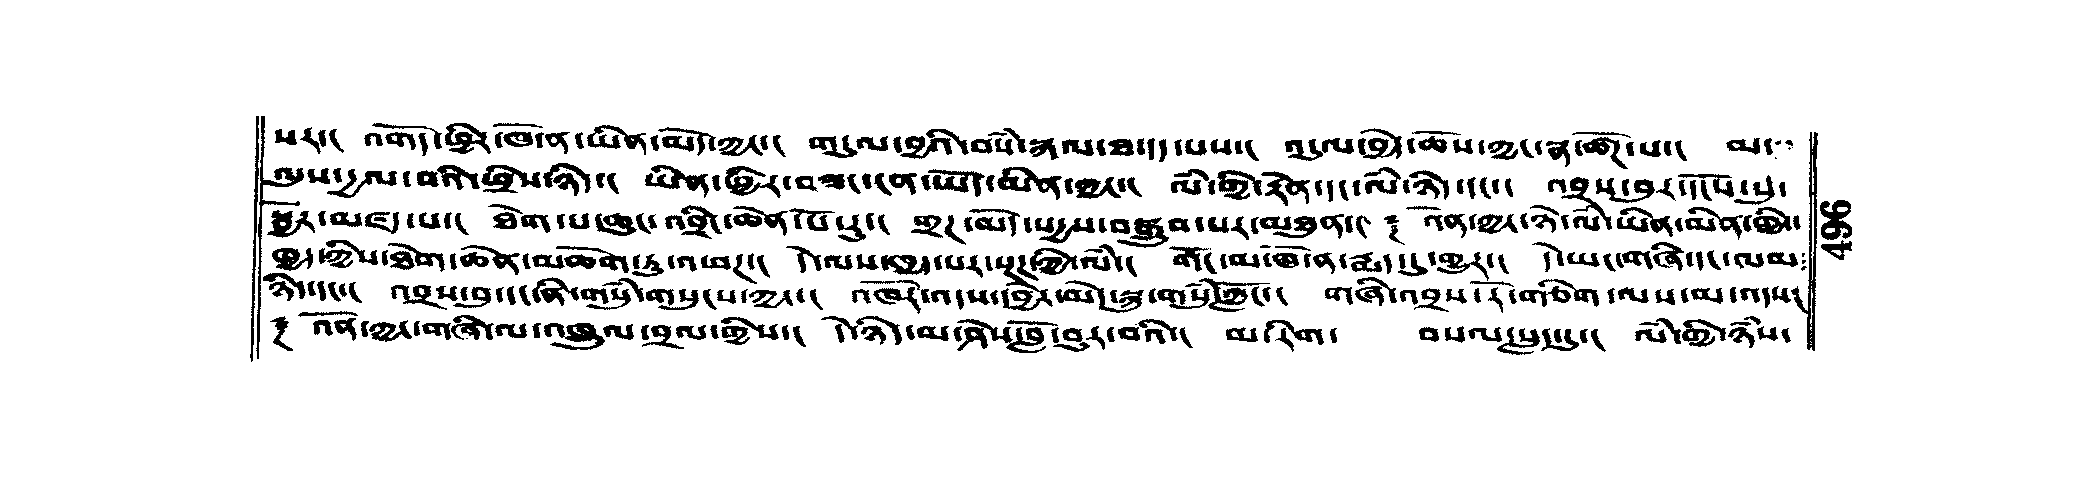སར། །འགོད་ཕྱིར་ཁོ་ན་ཡིན་མོད་ཀྱང་། །གདུལ་བྱའི་བསམ་སྐལ་ཐ་དད་པས། །འདུལ་བྱེད་ཆོས་ཀྱང་སྣ་ཚོགས་པ། །མ་
ལུས་རྒྱལ་བའི་ཕྲིན་ལས་ཉིད། །ཡིན་ཕྱིར་བཟང་ངན་ཡོད་མིན་ཀྱང་། །ལམ་གྱི་རྟེན་དང་ལམ་ཉིད་དང་། །འབྲས་བུར་དངོས་སུ་
སྦྱོར་མཛད་པ། །ཐེག་པ་ཆུང་འབྲིང་ཆེན་པོ་རུ། །གྲགས་མོད་སངས་རྒྱས་བསྒྲུབ་པར་མཐུན། ༈ འོན་ཀྱང་ཉེ་ལམ་ཡིན་མིན་གྱི། །
ཁྱད་ཀྱིས་ཐེག་ཆེན་མཆོག་ཏུ་འཕགས། །དེ་ལས་ཁྱད་པར་སྔགས་ཀྱི་ལམ། །གོང་མ་ཁོ་ན་རྨད་དུ་འགྱུར། །དེ་ཡང་གཞི་དང་ལམ་
ཉིད་དང་། །འབྲས་བུ་དང་ནི་གསུམ་གསུངས་ཀྱང་། །འཁོར་འདས་དབྱེར་མེད་སྐུ་གསུམ་ཀློང་། །གཞི་འབྲས་རོ་གཅིག་ལས་མ་འདས། 
༈ འོན་ཀྱང་གཞི་ལ་འཁྲུལ་བྲལ་གྱིས། །དེ་ཉིད་མ་ཤེས་བློ་བུར་བའི། །མ་རིག་མུན་པ་བསལ་སླད་དུ། །ལམ་གྱི་ཉམས་